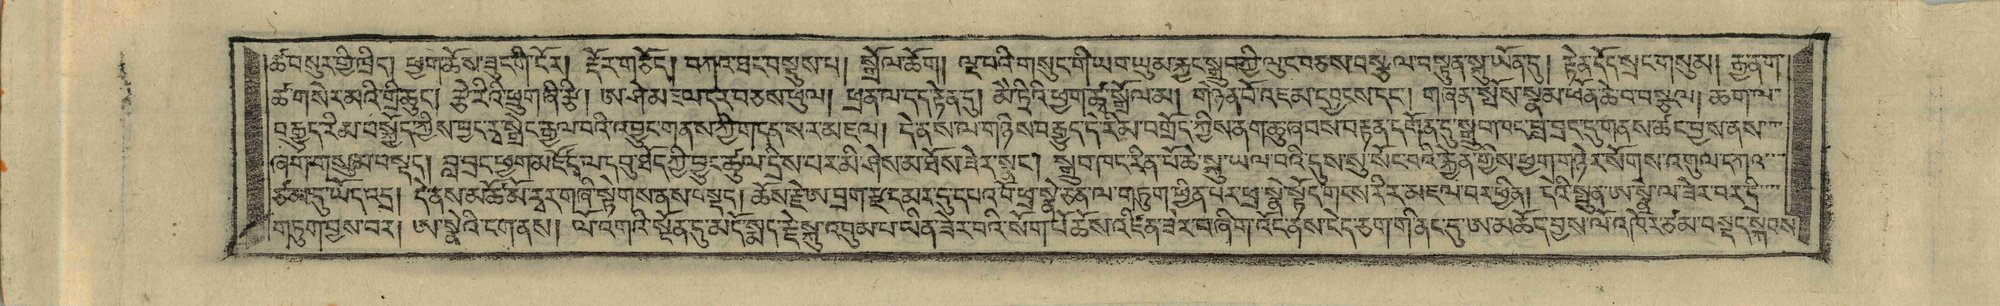ཚ་བསུར་གྱི་ཁྲིད། ཕྱག་ཆོས་ཟུང་གི་ངོར། རྡོར་གཅོད། བཀའ་ཐང་བསྡུས་པ། སྒྲོལ་ཆོག །ལྔ་པའི་གསུང་གི་ཡབ་ཡུམ་རྐྱང་སྒྲུབ་ཀྱི་ལུང་བཅས་བསྩལ་བསྟུན་སྐུ་ཡོན་དུ། རྟེན་དོད་སྲང་གསུམ། རྒྱ་ནག་
ཚ་གསེར་མའི་གྲི་ཆུང་། རྩེ་རིའི་ཕྲུག་ཞི་རྩི། ཨ་ཤེ་མཇལ་དར་བཅས་ཕུལ། ཕྲན་ལ་དད་རྟེན་དུ། མཻ་ཏྲིའི་ཕྱག་ཚྭ་སྒྲོལ་མ། གཉེན་པོ་འཇམ་དབྱངས་དང་། གཞན་སྤོས་སྣམ་ཕོན་ཆེ་བ་བསྩལ། ཆག་ལ་
བརྒྱུད་རིམ་བསྐྱོད་ཀྱིས་བྱང་རྭ་སྒྲེང་རྒྱལ་བའི་འབྱུང་གནས་ཀྱི་གདན་སར་མཇལ། དེ་ནས་ལ་གཉིས་བརྒྱུད་དེ་རིམ་བགྲོད་ཀྱིས་ནག་ཆུ་ཞབས་བརྟན་དགོན་དུ་སྒྲུབ་ཁང་བླ་བྲང་དུ་གནས་ཚང་བྱས་ནས་
ཞག་གསུམ་བསྡད། བླ་བྲང་ཕྱག་མཛོད་ལ་དབུ་ཐོད་ཀྱི་བྱུང་ཚུལ་དྲི་ས་པར་མི་ཤེས་མ་ཐོས་ཟེར་སྣང་། སྒྲུབ་ཁང་རིན་པོ་ཆེ་སྐུ་ཡལ་བའི་དུས་སུ་སོང་བའི་རྐྱེན་གྱིས་ཕྱག་གཉེར་སོགས་འགུལ་དཀའ་
ཙམ་དུ་ཡོད་འདྲ། དེ་ནས་མཚོ་མོ་རྭར་གཞི་སྟེགས་ནས་བསྡད། ཆོས་རྗེ་ཨ་བྲག་རྫ་དམར་དུ་དཔའ་བོ་ཕྲ་སྣེ་ཅན་ལ་གཏུག་ཕྱིན་པར་ཕྲ་སྣེ་སྟོད་གངས་རིར་མཇལ་བར་ཕྱིན། དེའི་སྤུན་ཨ་སྣེ་ལ་ཟེར་བར་དྲི་
གཏུག་བྱས་པར། ཨ་སྣེའི་ངག་ནས། ལོ་འགའི་སྔོན་དུ་མདོ་སྨད་རྗེ་སྐུ་འབུམ་པ་ཡིན་ཟེར་བའི་སོག་པོ་ཆོས་འཛིན་ཟེར་བ་ཞིག་འོང་ནས་ངེད་ཅག་གི་ནང་དུ་ཨ་མཆོད་བྱས་ལོ་འཁོར་ཙམ་བསྡད་སྐབས་